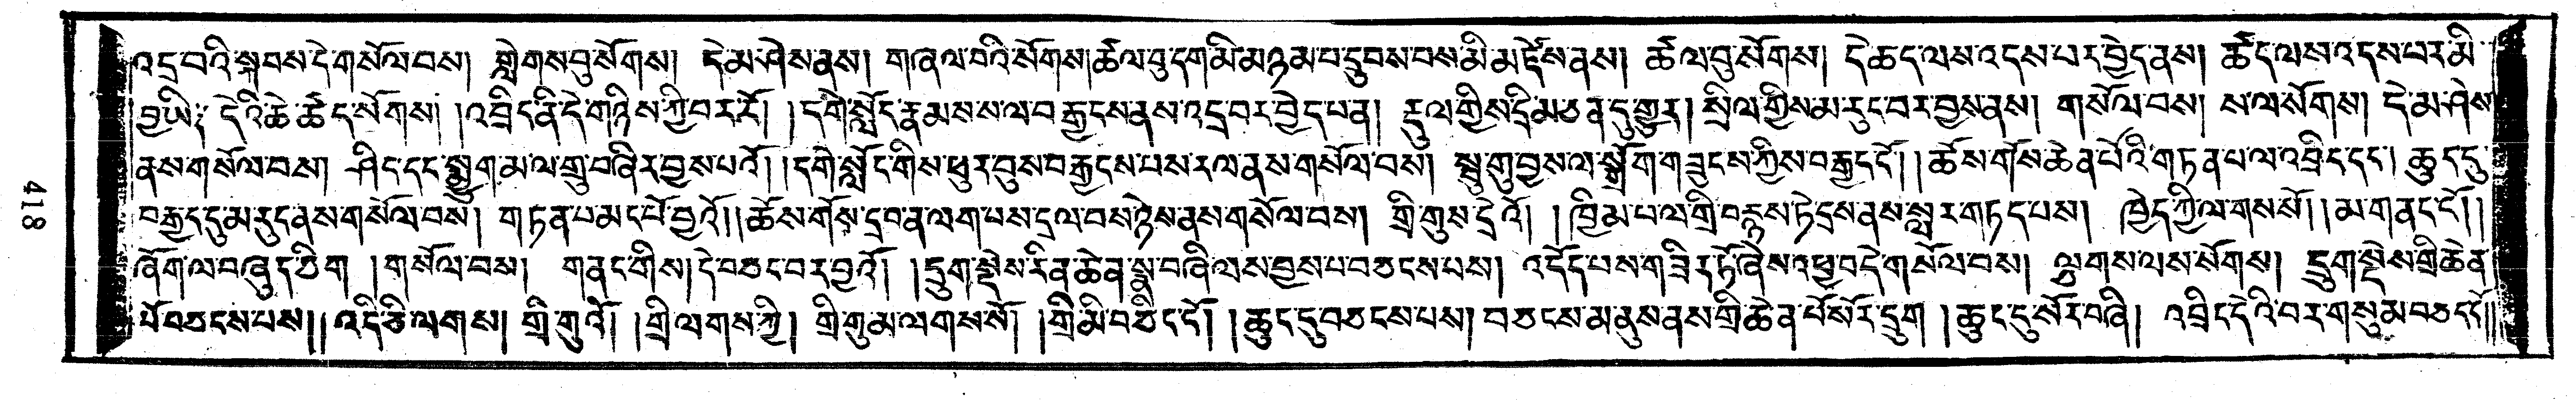འདྲ་བའི་སྐབས་དེ་གསོལ་བས། གླེགས་བུ་སོགས། དེ་མ་ཤེས་ནས། གཞལ་བའི་སོགས། ཚལ་བུ་དག་མི་མཉམ་པ་དྲུབས་པས་མི་མཛེས་ནས། ཚལ་བུ་སོགས། དེ་ཆད་ལས་འདས་པར་བྱེད་ནས། ཚད་ལས་འདས་པར་མི་
བྱ་ཡི༑ དེའི་ཆེ་ཚད་སོགས། །འབྲིང་ནི་དེ་གཉིས་ཀྱི་བར་རོ། །དགེ་སློང་རྣམས་ས་ལ་བརྒྱངས་ནས་འདྲ་བར་བྱེད་པ་ན། རྡུལ་གྱིས་དྲི་མ་ཅན་དུ་གྱུར། སྲིལ་གྱིས་མ་རུང་བར་བྱས་ནས། གསོལ་བས། ས་ལ་སོགས། དེ་མ་ཤེས་
ནས་གསོལ་བས། ཤིང་དང་སྨྱུག་མ་ལ་གྲུ་བཞིར་བྱས་པའོ། །དགེ་སློང་གིས་ཕུར་བུས་བརྒྱངས་པས་རལ་ནས་གསོལ་བས། སྦུ་གུ་བྱས་ལ་སྒྲོག་གཟུངས་ཀྱིས་བརྒྱང་ངོ། །ཆོས་གོས་ཆེན་པོའི་གཏན་པ་ལ་འབྲིང་དང་། ཆུང་ངུ་
བརྒྱད་དུ་མ་རུང་ནས་གསོལ་བས། གཏན་པ་མང་པོ་བྱའོ། །ཆོས་གོས་དྲ་བ་ན་ལག་པས་དྲལ་བས་ཉེས་ནས་གསོལ་བས། གྲི་གུས་དྲེའོ། །ཁྱིམ་པ་ལ་གྲི་བརྙས་ཏེ་དྲས་ནས་སླར་གཏད་པས། ཁྱེད་ཀྱི་ལ་གས་སོ། །མ་གནང་ངོ།།
ཞོག་ལ་བཞུད་ཅིག །གསོལ་བས། གནང་གིས། དེ་བཅང་བར་བྱའོ། །དྲུག་སྡེས་རིན་ཆེན་སྣ་བཞི་ལས་བྱས་པ་བཅངས་པས། འདོད་པས་གཟིར་ཏོ་ཞེས་འཕྱ་བདེ་གསོལ་བས། ལྕགས་ལས་སོགས། དྲུག་སྡེས་གྲི་ཆེན་
པོ་བཅངས་པས། །འདི་ཅི་ལགས། གྲི་གུའོ། །གྲི་ལགས་ཀྱི། གྲི་གུ་མ་ལགས་སོ། །གྲི་མི་བཅིང་ངོ། །ཆུང་དུ་བཅངས་པས། བཅངས་མ་ནུས་ནས་གྲི་ཆེན་པོ་སོར་དྲུག །ཆུང་དུ་སོར་བཞི། འབྲིང་དེའི་བར་གསུམ་བཅང་ངོ།།